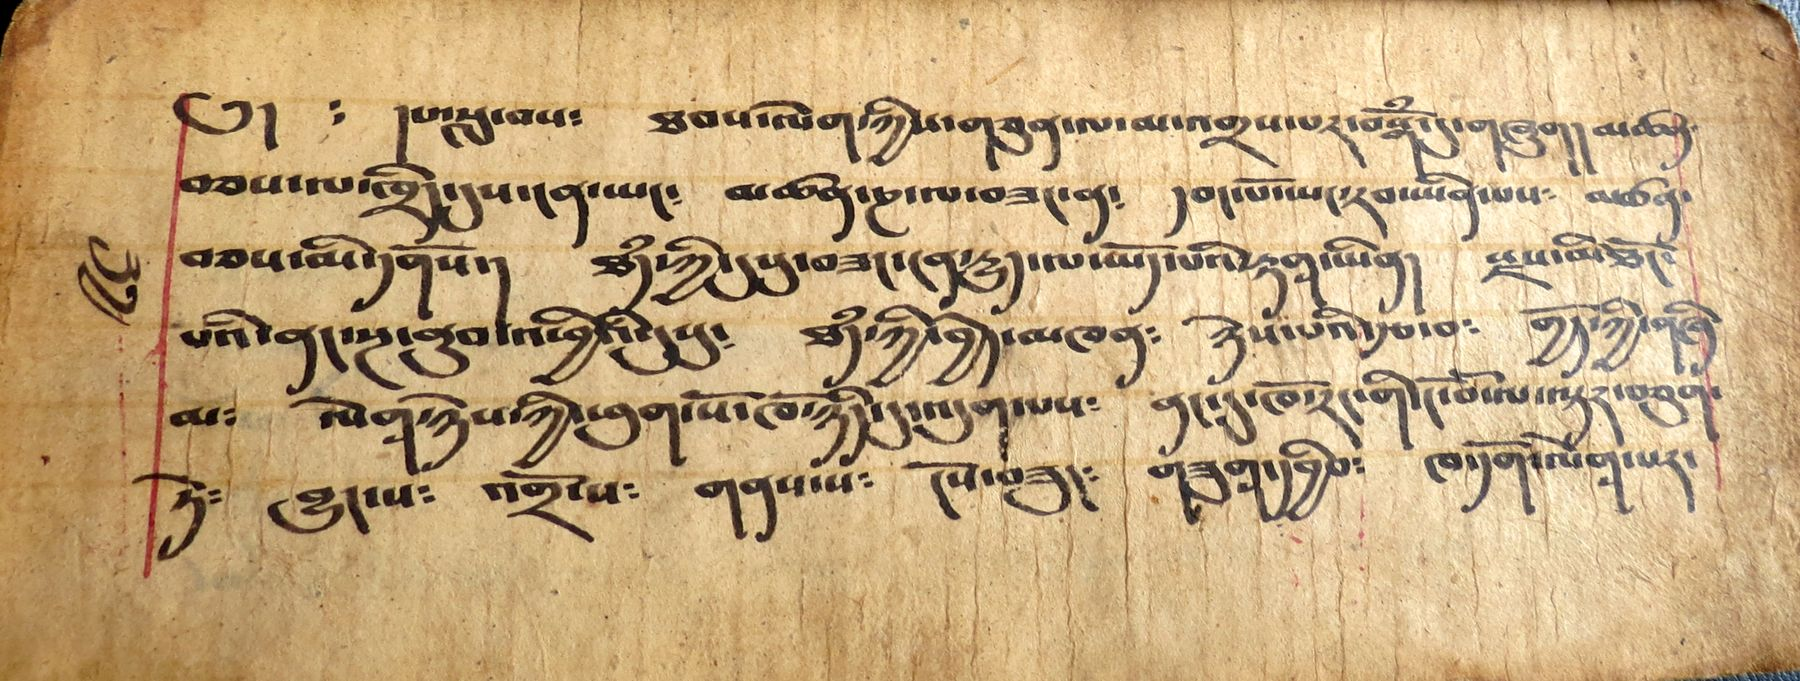པ་སླ་བས། ཐབས་ལེགས་ཀྱིས་གཅུན་ལ་མ་འགྲས་པར་སྒོམ་དུ་གཞུག་མཚན་
བཅས་ལ་ཁྲིད་དུས་ངན་ཀྱང་། མཚན་མེད་ལ་བཟང་ན། དབང་པོ་ཡང་རབ་ཡིན་པས། མཚན་
བཅས་མི་དགོས། ཐམས་ཅད་ཀྱི་དུས་སུ་བཟང་ན་རྒྱུད་ལ་ཡོད་པའི་རྟགས་ཡིན། རྫས་མི་མཐོང་
བའི་ནང་སྔ་ནུབ་ཕྱིའི་དུས་སུ། ཐམས་ཅད་ཀྱི་བྱེད་མཁན། ཉེས་པའི་རྩ་བ། གྱོད་ཀྱི་གཞི་
མ། ལེགས་ཉེས་ཀྱི་ཕུང་པོ། ཁོ་ཉིད་དུ་འདུག་པའི་ནང་དུ་ཁོ་རང་གི་ངོ་བོ་ལ་ལྟ་རུ་བཅུག་
སྟེ། བྱུང་ས་འགྲོ་ས་གནས་ས་ངོས་བཟུང་། གཟུགས་དབྱིབས་ཁ་དོག་ལེགས་པར་